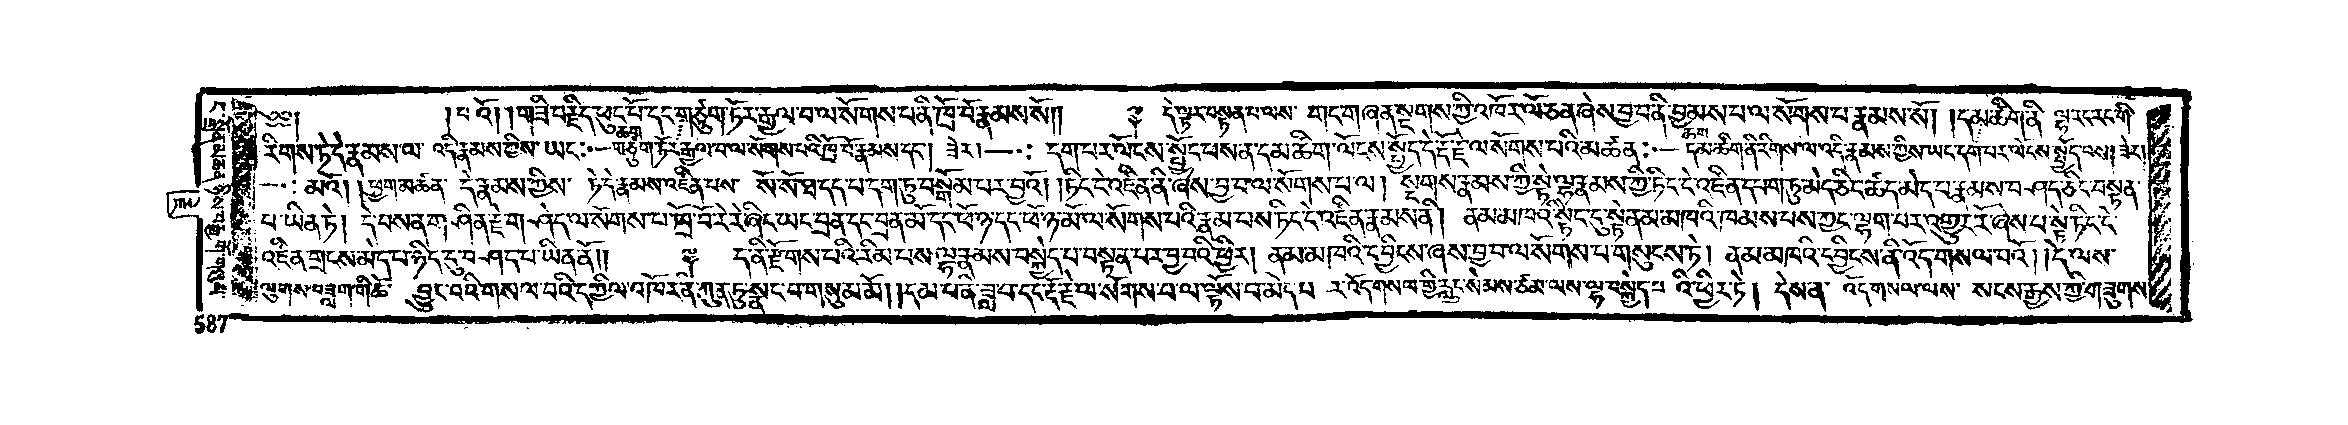༄༅། །པའོ། །གཟི་བརྗིད་ཕུང་པོ་དང་གཙུག་ཏོར་རྒྱལ་བ་ལ་སོགས་པ་ནི་ཁྲོ་བོ་རྣམས་སོ།། ༈ དེ་ལྟར་བསྟན་པ་ལས་གང་གཞན་སྔགས་ཀྱི་འཁོར་ལོ་ཅན་ཞེས་བྱ་བ་ནི་བྱམས་པ་ལ་སོགས་པ་རྣམས་སོ། །དམ་ཚིག་ནི་ལྷ་རང་རང་གི
རིགས་ཏེ་དེ་རྣམས་ལ་འདི་རྣམས་ཀྱིས་ཡངཿ་ཆག་གཙུག་ཏོར་རྒྱལ་བ་ལ་སོགས་པའི་ཁྲོ་བོ་རྣམས་དང་།  ཟེར། .H དག་པར་ལོངས་སྤྱོད་པས་ན་དམ་ཚིག་ལོངས་སྤྱོད་དེ་རྡོ་རྗེ་ལ་སོགས་པའི་མཚནཿ་ཆག་དམ་ཚིག་ནི་རིགས་ལ་འདི་རྣམས་ཀྱིས་ཡང་དག་པར་ལོངས་སྤྱོད་པས། ཟེར།
.H མའོ། ། ཕྱག་མཚན་དེ་རྣམས་ཀྱིས་ཏེ་དེ་རྣམས་འཛིན་པས་སོ་སོ་ཐ་དད་པ་དག་ཏུ་བསྒོམ་པར་བྱའོ། །ཏིང་ངེ་འཛིན་ནི་ཞེས་བྱ་བ་ལ་སོགས་པ་ལ། སྔགས་རྣམས་ཀྱི་སྟེ་ལྷ་རྣམས་ཀྱི་ཏིང་ངེ་འཛིན་དཔག་ཏུ་མེད་ཅིང་ཚད་མེད་པ་རྣམས་བཤད་ཅིང་བསྟན་
པ་ཡིན་ཏེ། དེ་བས་ན་གཤིན་རྗེ་གཤེད་ལ་སོགས་པ་ཁྲོ་བོ་རེ་རེ་ཞིང་ཡང་བྲན་དང་བྲན་མོ་དང་ཕོ་ཉ་དང་ཕོ་ཉ་མོ་ལ་སོགས་པའི་རྣམ་པས་ཏིང་ངེ་འཛིན་རྣམས་ནི། ནམ་མཁའི་སྟེང་དུ་སྟེ་ནམ་མཁའི་ཁམས་པས་ཀྱང་ལྷག་པར་འགྱུར་རོ་ཞེས་པ་སྟེ་ཏིང་ངེ་
འཛིན་གྲངས་མེད་པ་ཉིད་དུ་བཤད་པ་ཡིན་ནོ།། ༈ ད་ནི་རྫོགས་པའི་རིམ་པས་ལྷ་རྣམས་བསྐྱེད་པ་བསྟན་པར་བྱ་བའི་ཕྱིར། ནམ་མཁའི་དབྱིངས་ཞེས་བྱ་བ་ལ་སོགས་པ་གསུངས་ཏེ། ནམ་མཁའི་དབྱིངས་ནི་འོད་གསལ་བའོ། །དེ་ལས་
ལུགས་བཟློག་གི་ཚེ་བྱུང་བའི་གསལ་བའི་དཀྱིལ་འཁོར་ནི་ཀུན་ཏུ་སྣང་བ་གསུམ་མོ། །དམ་པ་ནི་ཟླ་བ་དང་རྡོ་རྗེ་ལ་སོགས་པ་ལ་ལྟོས་པ་མེད་པར་འོད་གསལ་གྱི་རླུང་སེམས་ཙམ་ལས་ལྷ་བསྐྱེད་པའི་ཕྱིར་ཏེ། དེས་ན་འོད་གསལ་ལས་སངས་རྒྱས་ཀྱི་གཟུགས་